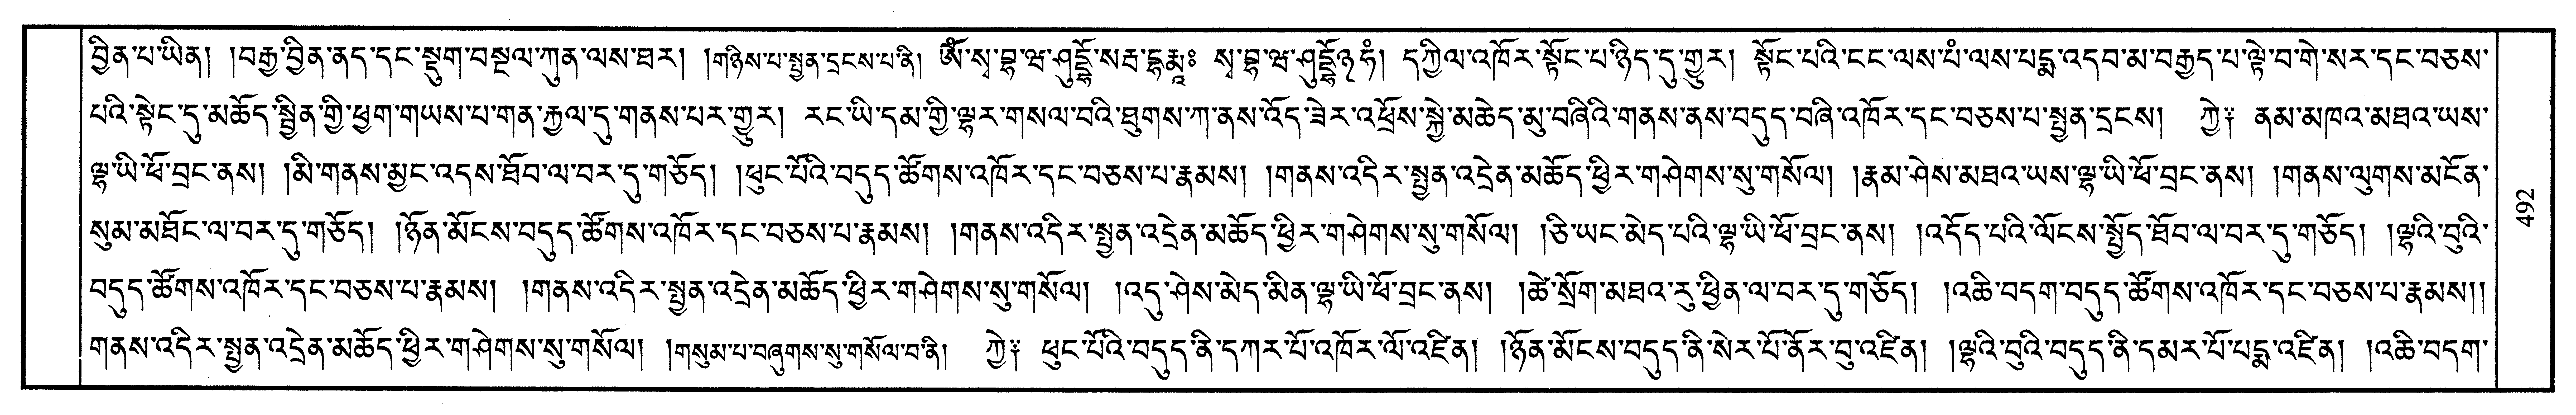བྱིན་པ་ཡིན། །བརྒྱ་བྱིན་ནད་དང་སྡུག་བསྔལ་ཀུན་ལས་ཐར། །གཉིས་པ་སྤྱན་དྲངས་པ་ནི། ཨོཾ་སྭ་བྷ་ཝ་ཤུདྡྷོ་སརྦ་དྷརྨཱཿ སྭ་བྷ་ཝ་ཤུདྡྷོ་ཉ་ཧཾ། དཀྱིལ་འཁོར་སྟོང་པ་ཉིད་དུ་གྱུར། སྟོང་པའི་ངང་ལས་པཾ་ལས་པདམ་འདབ་མ་བརྒྱད་པ་ལྟེ་བ་གེ་སར་དང་བཅས་
པའི་སྟེང་དུ་མཆོད་སྦྱིན་གྱི་ཕྱག་གཡས་པ་གན་རྐྱལ་དུ་གནས་པར་གྱུར། རང་ཡི་དམ་གྱི་ལྷར་གསལ་བའི་ཐུགས་ཀ་ནས་འོད་ཟེར་འཕྲོས་སྐྱེ་མཆེད་མུ་བཞིའི་གནས་ནས་བདུད་བཞི་འཁོར་དང་བཅས་པ་སྤྱན་དྲངས། ཀྱེ༑ ནམ་མཁའ་མཐའ་ཡས་
ལྷ་ཡི་ཕོ་བྲང་ནས། །མི་གནས་མྱང་འདས་ཐོབ་ལ་བར་དུ་གཅོད། །ཕུང་པོའི་བདུད་ཚོགས་འཁོར་དང་བཅས་པ་རྣམས། །གནས་འདིར་སྤྱན་འདྲེན་མཆོད་ཕྱིར་གཤེགས་སུ་གསོལ། །རྣམ་ཤེས་མཐའ་ཡས་ལྷ་ཡི་ཕོ་བྲང་ནས། །གནས་ལུགས་མངོན་
སུམ་མཐོང་ལ་བར་དུ་གཅོད། །ཉོན་མོངས་བདུད་ཚོགས་འཁོར་དང་བཅས་པ་རྣམས། །གནས་འདིར་སྤྱན་འདྲེན་མཆོད་ཕྱིར་གཤེགས་སུ་གསོལ། །ཅི་ཡང་མེད་པའི་ལྷ་ཡི་ཕོ་བྲང་ནས། །འདོད་པའི་ལོངས་སྤྱོད་ཐོབ་ལ་བར་དུ་གཅོད། །ལྷའི་བུའི་
བདུད་ཚོགས་འཁོར་དང་བཅས་པ་རྣམས། །གནས་འདིར་སྤྱན་འདྲེན་མཆོད་ཕྱིར་གཤེགས་སུ་གསོལ། །འདུ་ཤེས་མེད་མིན་ལྷ་ཡི་ཕོ་བྲང་ནས། །ཚེ་སྲོག་མཐའ་རུ་ཕྱིན་ལ་བར་དུ་གཅོད། །འཆི་བདག་བདུད་ཚོགས་འཁོར་དང་བཅས་པ་རྣམས།།
གནས་འདིར་སྤྱན་འདྲེན་མཆོད་ཕྱིར་གཤེགས་སུ་གསོལ། །གསུམ་པ་བཞུགས་སུ་གསོལ་བ་ནི། ཀྱེ༈ ཕུང་པོའི་བདུད་ནི་དཀར་པོ་འཁོར་ལོ་འཛིན། །ཉོན་མོངས་བདུད་ནི་སེར་པོ་ནོར་བུ་འཛིན། །ལྷའི་བུའི་བདུད་ནི་དམར་པོ་པདམ་འཛིན། །འཆི་བདག་